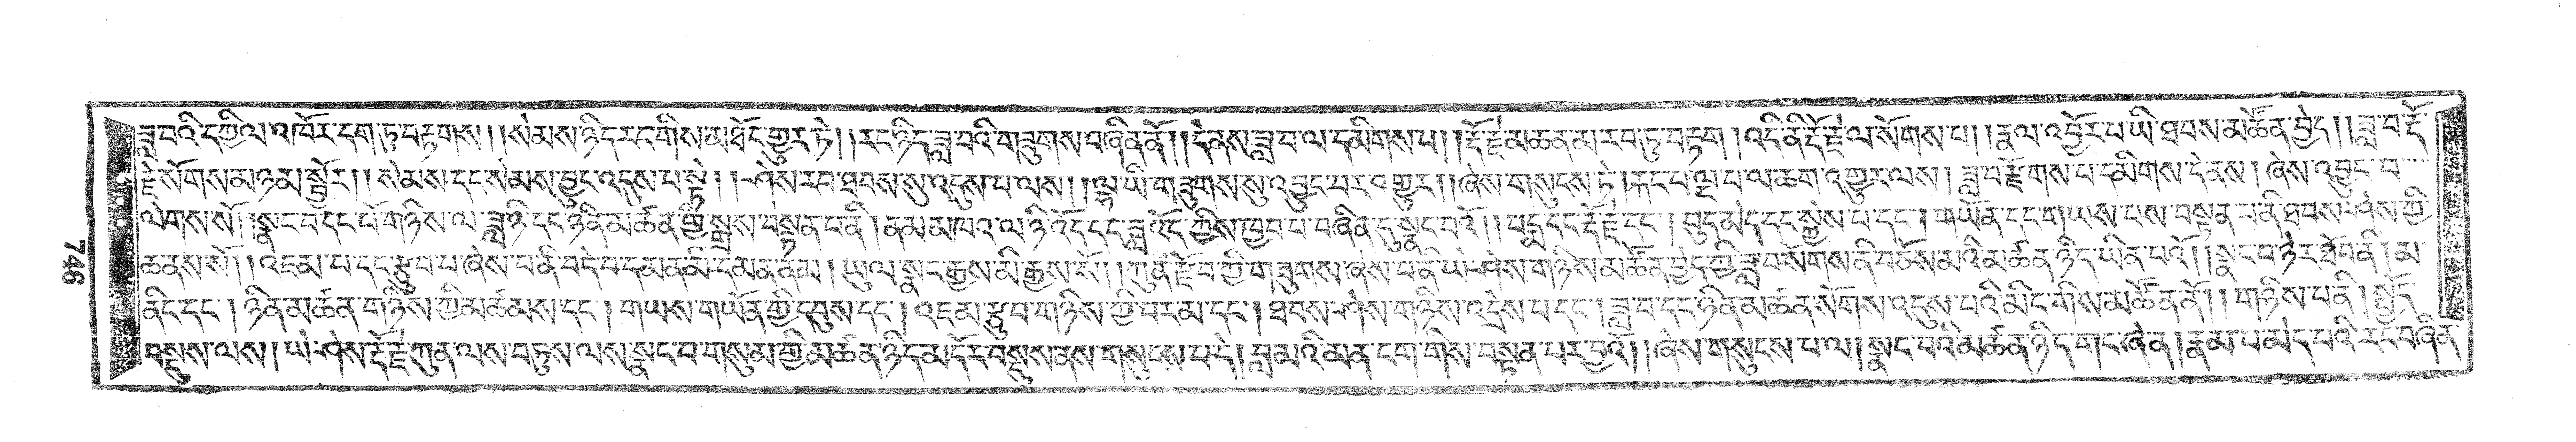ཟླ་བའི་དཀྱིལ་འཁོར་དག་ཏུ་བརྟགས། །སེམས་ཉིད་རང་གིས་མཐོང་གྱུར་ཏེ། །རང་ཉིད་ཟླ་བའི་གཟུགས་བཞིན་ནོ། །དེ་ནས་ཟླ་བ་ལ་དམིགས་པ། །རྡོ་རྗེ་མཚན་མ་རབ་ཏུ་བརྟག །འདི་ནི་རྡོ་རྗེ་ལ་སོགས་པ། །རྣལ་འབྱོར་པ་ཡི་ཐབས་མཚོན་བྱེད། །ཟླ་བ་རྡོ་
རྗེ་སོགས་མཉམ་སྦྱོར། །སེམས་དང་སེམས་བྱུང་འདུས་པ་སྟེ། །ཤེས་རབ་ཐབས་སུ་འདུས་པ་ལས། །ལྷ་ཡི་གཟུགས་སུ་འབྱུང་བར་འགྱུར། །ཞེས་གསུངས་ཏེ། རྐང་པ་ལྔ་པ་ལ་ཆག་འགྱུར་ལས། ཟླ་བ་རྫོགས་པ་དམིགས་དེ་ནས། ཞེས་འབྱུང་བ་
ལེགས་སོ། །སྣང་བ་དང་པོ་གཉིས་ལ་ཟླ་ཉི་དང་ཉིན་མཚན་གྱི་སྒྲས་བསྟན་པ་ནི། ནམ་མཁའ་ལ་ཉི་འོད་དང་ཟླ་འོད་ཀྱིས་ཁྱབ་པ་བཞིན་དུ་སྣང་བའོ། །པདམ་དང་རྡོ་རྗེ་དང་། བུད་མེད་དང་སྐྱེས་པ་དང་། གཡོན་དང་གཡས་པས་བསྟན་པ་ནི་ཐབས་ཤེས་ཀྱི་
ཆ་ནས་སོ། །འཇམ་པ་དང་རྩུབ་པ་ཞེས་པ་ནི་བདེ་བ་དམན་མི་དམན་ནམ། ཡུལ་སྣང་རྒྱས་མི་རྒྱས་སོ། །ཀུན་རྫོབ་ཀྱི་གཟུགས་ཞེས་པ་ནི་ཡེ་ཤེས་གཉིས་མཚོན་བྱེད་ཀྱི་ཟླ་བ་སོགས་ནི་བཅོས་མའི་མཚན་ཉིད་ཡིན་པའོ། །སྣང་བ་ཉེར་ཐོབ་ནི། མ་
ནིང་དང་། ཉིན་མཚན་གཉིས་ཀྱི་མཚམས་དང་། གཡས་གཡོན་གྱི་དབུས་དང་། འཇམ་རྩུབ་གཉིས་ཀྱི་བར་མ་དང་། ཐབས་ཤེས་གཉིས་འདྲེས་པ་དང་། ཟླ་བ་དང་ཉིན་མཚན་སོགས་འདུས་པའི་མིང་གིས་མཚོན་ནོ། །གཉིས་པ་ནི། སྤྱོད་
བསྡུས་ལས། ཡེ་ཤེས་རྡོ་རྗེ་ཀུན་ལས་བཏུས་ལས་སྣང་བ་གསུམ་གྱི་མཚན་ཉིད་མདོར་བསྡུས་ནས་གསུངས་པ་དེ། བླ་མའི་མན་ངག་གིས་བསྟན་པར་བྱའོ། །ཞེས་གསུངས་པ་ལ། སྣང་བའི་མཚན་ཉིད་གང་ཞེ་ན། རྣམ་པ་མེད་པའི་རང་བཞིན་